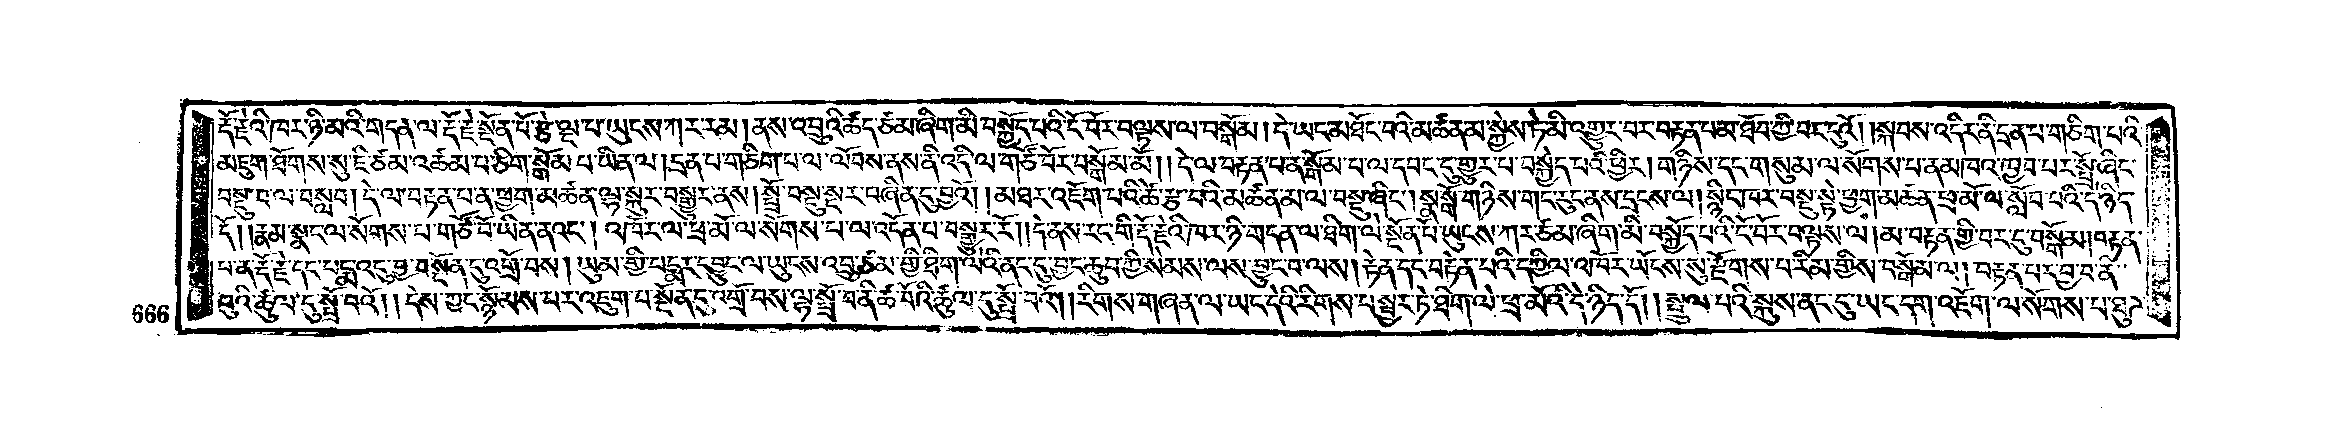རྡོ་རྗེའི་ཁར་ཉི་མའི་གདན་ལ་རྡོ་རྗེ་སྔོན་པོ་རྩེ་ལྔ་པ་ཡུངས་ཀར་རམ། ནས་འབྲུའི་ཚད་ཙམ་ཞིག་མི་བསྐྱོད་པའི་ངོ་བོར་བལྟས་ལ་བསྒོམ། དེ་ཡང་མཐོང་བའི་མཚན་མ་སྐྱེས་ཏེ་མི་འགྱུར་བར་བརྟན་པ་མ་ཐོབ་ཀྱི་བར་དུའོ། །སྐབས་འདིར་ནི་དྲན་པ་གཅིག་པའི་
མཇུག་ཐོགས་སུ་ཇི་ཙམ་འཚམ་པ་ཅིག་སྒོམ་པ་ཡིན་ལ། དྲན་པ་གཅིག་པ་ལ་ལོབས་ནས་ནི་འདི་ལ་གཙོ་བོར་བསྒོམ་མོ། །དེ་ལ་བརྟན་པ་ན་སྒོམ་པ་ལ་དབང་དུ་གྱུར་པ་བསྐྱེད་པའི་ཕྱིར། གཉིས་དང་གསུམ་ལ་སོགས་པ་ནམ་མཁའ་ཁྱབ་པར་སྤྲོ་ཞིང་
བསྡུ་བ་ལ་བསླབ། དེ་ལ་བརྟན་པ་ན་ཕྱག་མཚན་ལྷ་སྐུར་བསྒྱུར་ནས། སྤྲོ་བསྡུ་སྔར་བཞིན་དུ་བྱའོ། །མཐར་འཇོག་པའི་ཚེ་རྩ་བའི་མཚན་མ་ལ་བསྡུ་ཞིང་། སྣ་སྒོ་གཉིས་གང་རུང་ནས་དྲངས་ལ། སྙིང་ཁར་བསྡུ་སྟེ་ཕྱག་མཚན་ཕྲ་མོ་ལ་སློབ་པའི་དེ་ཉིད་
དོ། །རྣམ་སྣང་ལ་སོགས་པ་གཙོ་བོ་ཡིན་ནའང་། འཁོར་ལ་ཕྲ་མོ་ལ་སོགས་པ་ལ་འདོན་པ་བསྒྱུར་རོ། །དེ་ནས་རང་གི་རྡོ་རྗེའི་ཁར་ཉི་གདན་ལ་ཐིག་ལེ་སྔོན་པོ་ཡུངས་ཀར་ཙམ་ཞིག་མི་བསྐྱོད་པའི་ངོ་བོར་བལྟས་ལ། མ་བརྟན་གྱི་བར་དུ་བསྒོམ། བརྟན་
པ་ན་རྡོ་རྗེ་དང་པདམ་འདུ་བྱ་བསྔོན་དུ་འགྲོ་བས། ཡུམ་གྱི་པདམར་དབྱུང་ལ་ཡུངས་འབྲུ་ཙམ་གྱི་ཐིག་ལེའི་ནང་དུ་བྱང་ཆུབ་ཀྱི་སེམས་ལས་བྱུང་བ་ལས། རྟེན་དང་བརྟེན་པའི་དཀྱིལ་འཁོར་ཡོངས་སུ་རྫོགས་པ་རིམ་གྱིས་བསྡོམ་ལ། བརྟན་པར་བྱ་བ་ནི་
བུའི་ཚུལ་དུ་སྤྲོ་བའོ། །དེས་ཀྱང་སྙོམས་པར་འཇུག་པ་སྔོན་དུ་འགྲོ་བས་ལྷ་སྤྲོ་བ་ནི་ཚ་བོའི་ཚུལ་དུ་སྤྲོ་བའོ། །རིགས་གཞན་ལ་ཡང་དེའི་རིགས་པ་སྦྱར་ཏེ་ཐིག་ལེ་ཕྲ་མོའི་དེ་ཉིད་ཨདོ། །སྤྲུལ་པའི་སྐུས་ནང་དུ་ཡང་དག་འཇོག་ལ་སོགས་པ་ཐུགས་